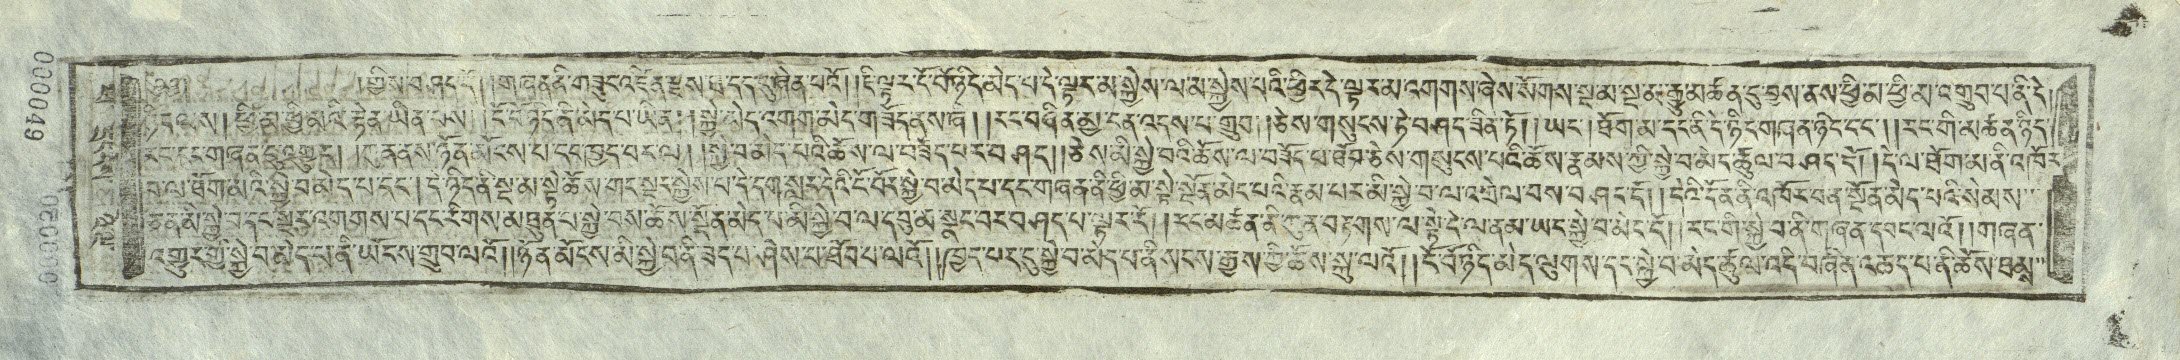༄༅། །གྱིས་བཤད་དོ། །གཞན་ནི་གཟུང་འཛིན་རྫས་ཐ་དད་དུ་ཞེན་པའོ། །ཇི་ལྟར་ངོ་བོ་ཉིད་མེད་པ་དེ་ལྟར་མ་སྐྱེས་ལ་མ་སྐྱེས་པའི་ཕྱིར་དེ་ལྟར་མ་འགགས་ཞེས་སོགས་སྔ་མ་སྔ་མ་རྒྱུ་མཚན་དུ་བྱས་ནས་ཕྱི་མ་ཕྱི་མ་འགྲུབ་པ་ནི་དེ་
ཉིད་ལས། ཕྱི་མ་ཕྱི་མའི་རྟེན་ཡིན་པས། །ངོ་བོ་ཉིད་ནི་མེད་པ་ཡིན། །སྐྱེ་མེད་འགག་མེད་གཟོད་ནས་ཞི། །རང་བཞིན་མྱ་ངན་འདས་པ་གྲུབ། །ཅེས་གསུངས་ཏེ་བཤད་ཟིན་ཏོ། །ཡང་། ཐོག་མ་དང་ནི་དེ་ཉིད་གཞན་ཉིད་དང་། །རང་གི་མཚན་ཉིད་
རང་དང་གཞན་དུ་འགྱུར། །ཀུན་ནས་ཉོན་མོངས་པ་དང་ཁྱད་པར་ལ། །སྐྱེ་བ་མེད་པའི་ཆོས་ལ་བཟོད་པར་བཤད། །ཅེས་མི་སྐྱེ་བའི་ཆོས་ལ་བཟོད་པ་ཐོབ་ཅེས་གསུངས་པའི་ཆོས་རྣམས་ཀྱི་སྐྱེ་བ་མེད་ཚུལ་བཤད་དོ། །དེ་ལ་ཐོག་མ་ནི་འཁོར་
བ་ལ་ཐོག་མའི་སྐྱེ་བ་མེད་པ་དང་། དེ་ཉིད་ནི་སྔ་མ་སྟེ་ཆོས་གང་སྔར་སྐྱེས་པ་དེ་དག་སླར་དེའི་ངོ་བོར་སྐྱེ་བ་མེད་པ་དང་གཞན་ནི་ཕྱི་མ་སྟེ་སྔོན་མེད་པའི་རྣམ་པར་མི་སྐྱེ་བ་ལ་འགྲེལ་པས་བཤད་དོ། །དེའི་དོན་ནི་འཁོར་བ་ན་སྔོན་མེད་པའི་སེམས་
ཅན་མི་སྐྱེ་བ་དང་སྔར་འགགས་པ་དང་རིགས་མཐུན་པ་སྐྱེ་བས་ཆོས་སྔོན་མེད་པ་མི་སྐྱེ་བ་ལ་དབུ་མ་སྣང་བར་བཤད་པ་ལྟར་རོ། །རང་མཚན་ནི་ཀུན་བརྟགས་ལ་སྟེ་དེ་ལ་ནམ་ཡང་སྐྱེ་བ་མེད་དོ། །རང་གི་སྐྱེ་བ་ནི་གཞན་དབང་ལའོ། །གཞན་
འགྱུར་གྱི་སྐྱེ་བ་མེད་པ་ནི་ཡོངས་གྲུབ་ལའོ། །ཉོན་མོངས་མི་སྐྱེ་བ་ནི་ཟད་བ་ཤེས་པ་ཐོབ་པ་ལའོ། །ཁྱད་པར་དུ་སྐྱེ་བ་མེད་པ་ནི་སངས་རྒྱས་ཀྱི་ཆོས་སྐུ་ལའོ། །ངོ་བོ་ཉིད་མེད་ལུགས་དང་སྐྱེ་བ་མེད་ཚུལ་འདི་བཞིན་འཆད་པ་ནི་ཆོས་ཐམས་